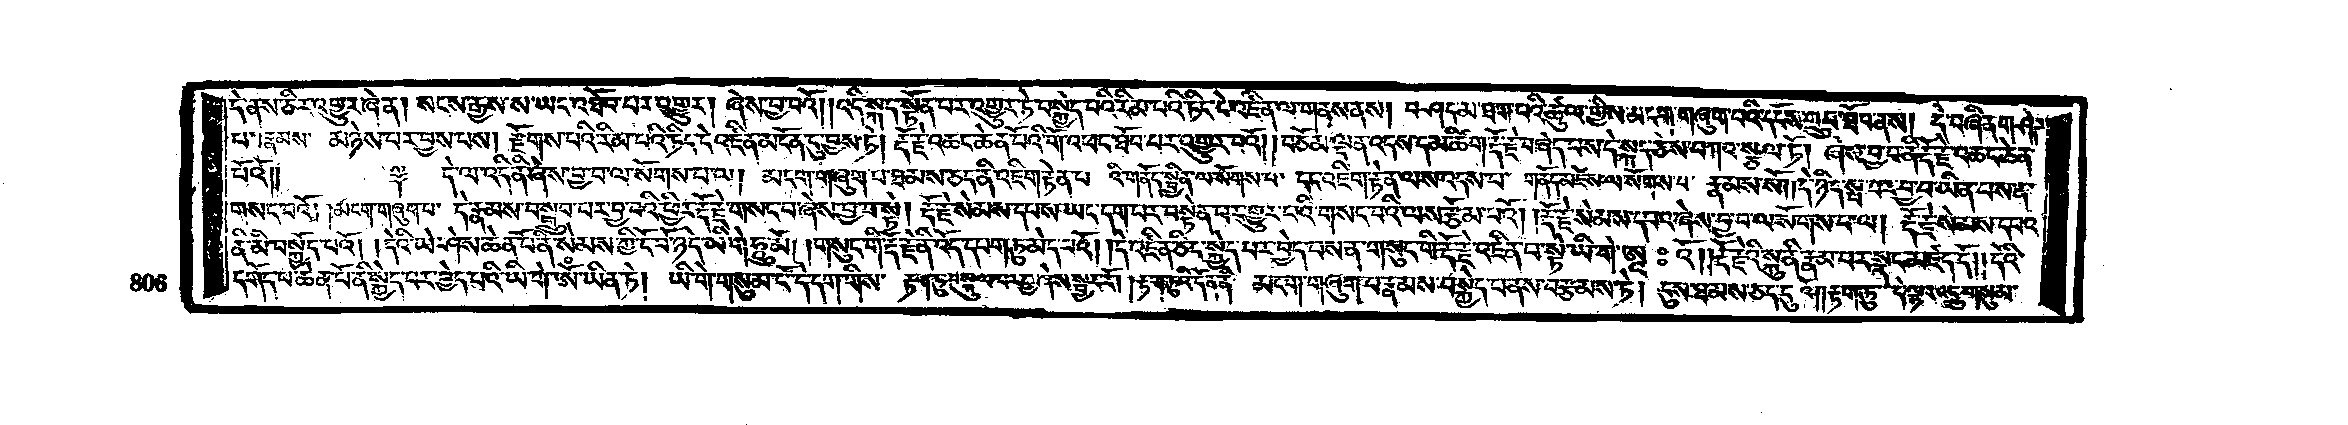དེ་ནས་ཅིར་འགྱུར་ཞེ་ན། སངས་རྒྱས་ས་ཡང་འཐོབ་པར་འགྱུར། ཞེས་བྱ་བའོ། །འདི་སྐད་སྟོན་པར་འགྱུར་ཏེ་བསྐྱེད་པའི་རིམ་པའི་ཏིང་ངེ་འཛིན་ལ་གནས་ནས། བཤད་མ་ཐག་པའི་ཚུལ་གྱིས་མངག་གཞུག་པའི་དངོས་གྲུབ་ཐོབ་ནས། དེ་བཞིན་གཤེགས་
པ། རྣམས་མཉེས་པར་བྱས་པ། རྫོགས་པའི་རིམ་པའི་ཏིང་ངེ་འཛིན་མངོན་དུ་བྱས་ཏེ། རྡོ་རྗེ་འཆང་ཆེན་པོའི་གོ་འཕང་ཐོབ་པར་འགྱུར་བའོ། །བཅོམ་ལྡན་འདས་དམ་ཚིག་རྡོ་རྗེ་བཞེད་པས་དེ་སྐད་བཀའ་སྩལ་ཏོ། ཞེས་བྱ་བ་ནི་རྡོ་རྗེ་འཆང་ཆེན་
པོའོ།། ༈ དེ་ལ་འདི་ནི་ཞེས་བྱ་བ་ལ་སོགས་པ་ལ། མངག་གཞུག་པ་ཐམས་ཅད་ནི་འཇིག་རྟེན་པའི་གནོད་སྦྱིན་ལ་སོགས་པ་དང་འཇིག་རྟེན་ལས་འདས་པ་གནོད་མཛེས་ལ་སོགས་པ་རྣམ་སོ། །དེ་ཉིད་སྤ་བར་བྱ་བ་ཡིན་པས་ན་
གསང་བའོ། ། མངག་གཞུག་པ་དེ་རྣམས་བསྒྲུབ་པར་བྱ་བའི་ཕྱིར་རྡོ་རྗེ་གསང་བ་ཞེས་བྱ་བ་སྟེ། རྡོ་རྗེ་སེམས་དཔས་ཡང་དག་པར་བསྟེན་པར་གྱུར་བའི་གསང་བའི་ལས་རྩོམ་པའོ། །རྡོ་རྗེ་སེམས་དཔའ་ཞེས་བྱ་བ་ལ་སོགས་པ་ལ། རྡོ་རྗེ་སེམས་དཔའ་
ནི་མི་བསྐྱོད་པའོ། །དེའི་ཡེ་ཤེས་ཆེན་པོ་ནི་སེམས་ཀྱི་ངོ་བོ་ཉིད་ཡི་གོ་ཧཱུཾ་མོ། །གསུང་གི་རྡོ་རྗེ་འོད་དཔག་ཏུ་མེད་པའོ། །དེ་འཛིན་ཅིང་སྐྱེད་པར་བྱེད་པས་ན་གསུང་གི་རྡོ་རྗེ་འཛིན་པ་སྟེ་ཡི་གེ་ཨཱཿ འོ། །རྡོ་རྗེའི་སྐུ་ནི་རྣམ་པར་སྣང་མཛད་དོ། །དེའི་
དགོད་པ་ཆེན་པོ་ནི་སྐྱེད་པར་བྱེད་པའི་ཡི་གེ་ཨོཾ་ཡིན་ཏེ། ཡི་གེ་གསུམ་པོ་དེ་དག་གིས་རྟག་ཏུ་བསྐུལ་བར་བྱ་ཞེས་སྦྱར་རོ། །རྟག་ཏུའི་དོན་ནི།  མངག་གཞུག་པ་རྣམས་བསྐྱེད་པ་ནས་བརྩམས་ཏེ། དུས་ཐམས་ཅད་དུའོ། །རྟག་ཏུ་དེ་ལྟར་འབྲུ་གསུམ་